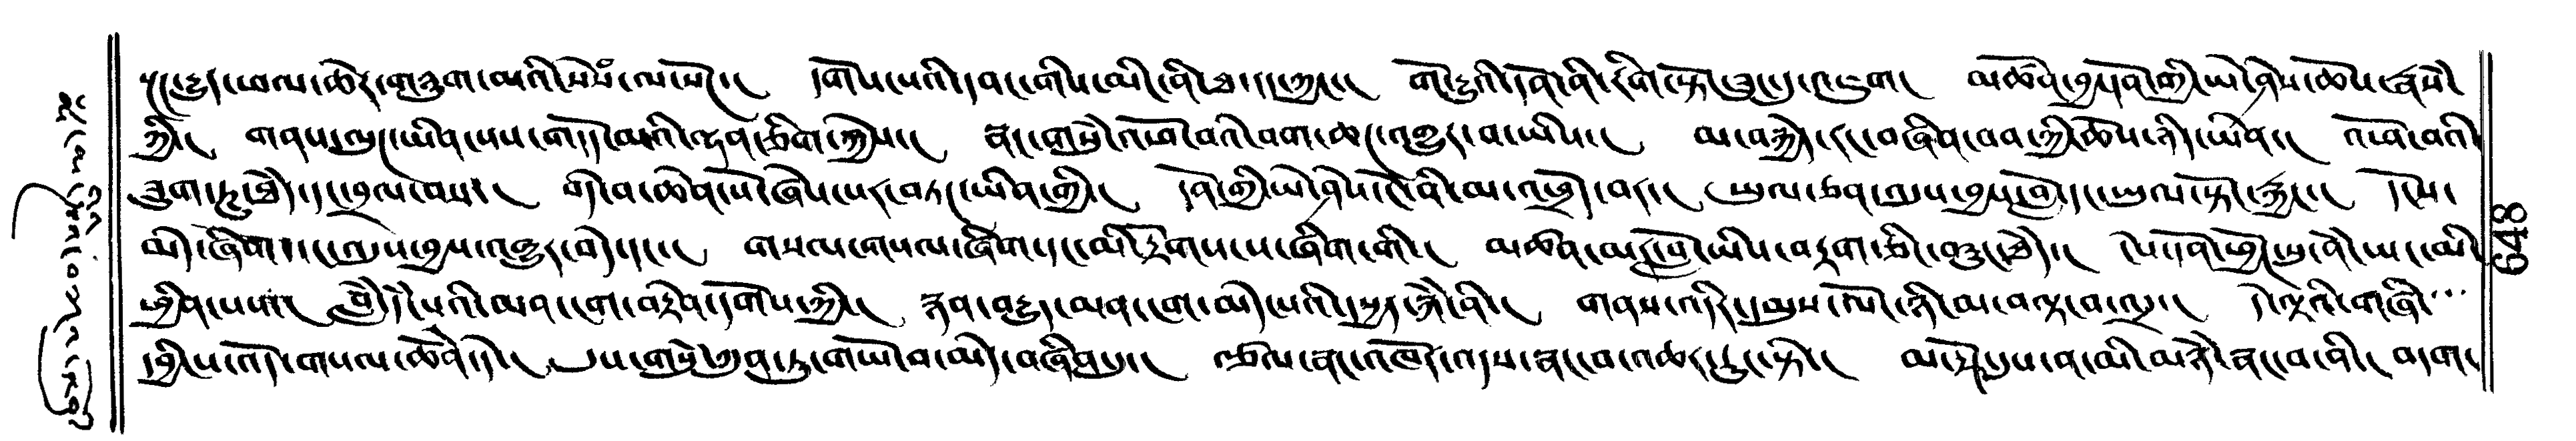སྔགས་རྒྱུད་ཕལ་ཆེར་གཉུག་མའི་སེམས་ལ་སོགས། །དགོས་པའི་དབང་གི་མིང་ནི་ཐ་དད་ཀྱང་། །གོ་རྒྱུའི་དོན་ནི་རིག་སྟོང་ཟུང་དུ་འཇུག། མཚོན་བྱ་དོན་གྱི་ཡེ་ཤེས་ཆོས་རྣམས་
ཀྱི། །གནས་ལུགས་ཡིན་པས་གདོད་མའི་ལྷན་ཅིག་སྐྱེས། །སྣང་གསུམ་འཕོ་བའི་བག་ཆགས་འགྱུར་བ་ཡིས། །མ་བསྐྱེད་རང་བཞིན་བབས་ཀྱི་ཆོས་ཉིད་ཡིན། །འཕོ་བའི་
ཟུག་རྔུ་ཐམས་ཅད་དང་བྲལ་བས། །བདེ་བ་ཆེན་པོ་ཞེས་པར་བཏགས་ཡིན་གྱི། །དོན་གྱི་ཡེ་ཤེས་ངོ་ནི་མ་འཕྲོད་བར། །ཡུལ་ཅན་འདུས་བྱས་བློ་དང་ཡུལ་སྟོང་རྐྱང་། །དངོས་
མེད་ཞིག་དང་འདུས་བྱས་འགྱུར་བདེ་དང་། །གསལ་གསལ་ཞིག་དང་མི་རྟོག་པ་ཞིག་གི མཚན་མར་བློ་ཡིས་བརྟག་ཅིང་བཟུང་ཐམས་ཅད། །ངེས་དོན་ཕྱོགས་སུ་ནམ་ཡང་མི་
ཕྱིན་པས། །བླ་མ་དམ་པའི་མན་ངག་བརྟེན་དགོས་ཀྱི། །སྙན་བརྒྱུད་མན་ངག་མེད་པའི་དཔྱད་སྐམ་ནི། །གནས་འདིར་དམུས་ལོང་ཉི་མ་བལྟ་བ་འདྲ། །དེ་ལྟའི་གཞི་
དབྱིངས་འོད་གསལ་ཆེན་པོ་དེ། །དུས་གསུམ་ཀུན་ཏུ་གཡོ་བ་མེད་བཞིན་དུ། །རྩལ་སྣང་འཁོར་འདས་སྣང་བ་འཆར་རུང་སྟེ། །མ་རྟོགས་དུས་ན་མི་མཉམ་སྣང་བ་ནི། །བདག་